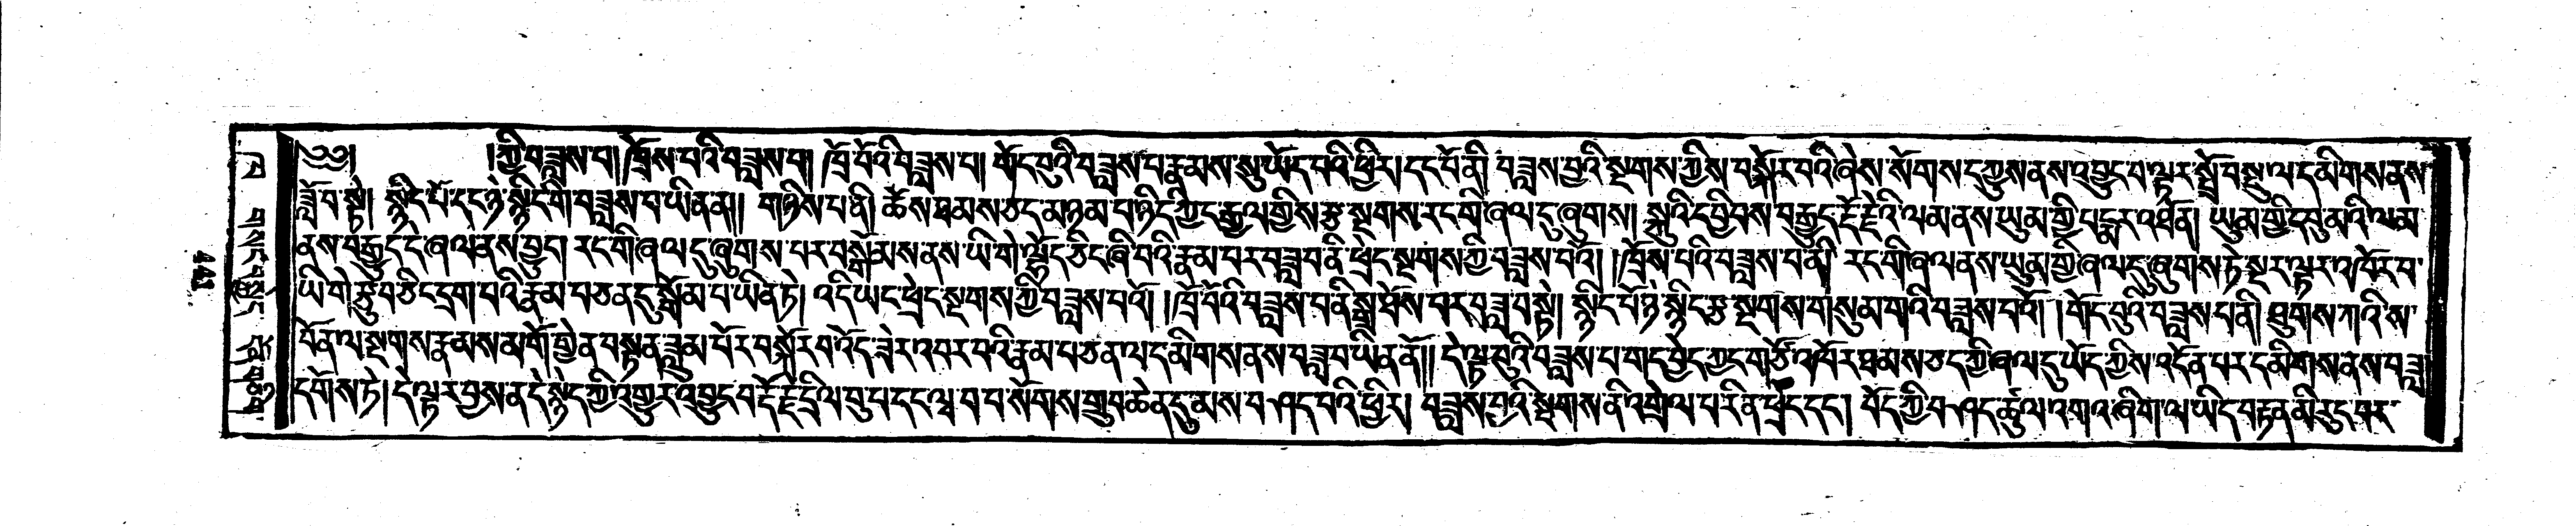༄༅། །ཀྱི་བཟླས་པ། ཁྲོས་པའི་བཟླས་པ། ཁྲོ་བོའི་བཟླས་པ། གོང་བུའི་བཟླས་པ་རྣམས་སུ་ཡོད་པའི་ཕྱིར། དང་པོ་ནི་བཟླས་བྱའི་སྔགས་ཀྱིས་བསྐོར་བའི་ཞེས་སོགས་དཀྱུས་ནས་འབྱུང་བ་ལྟར་སྤྲོ་བསྡུ་ལ་དམིགས་ནས་
ཟློ་བ་སྟེ། སྙིང་པ་དང་ཉེ་སྙིང་གི་བཟླས་པ་ཡིན་ན། །གཉིས་པ་ནི། ཆོས་ཐམས་ཅད་མཉམ་པ་ཉིད་ཀྱི་ང་རྒྱལ་གྱིས་རྩ་སྔགས་རང་གི་ཞལ་དུ་ཞུགས། སྐུའི་དབྱིབས་བརྒྱུད་རྡོ་རྗེའི་ལམ་ནས་ཡུམ་གྱི་པདམར་འཐོན། ཡུམ་གྱི་དབུ་མའི་ལམ་
ནས་བརྒྱུད་དེ་ཞལ་ནས་བྱུང་། རང་གི་ཞལ་དུ་ཞུགས་པར་བསྒོམས་ནས་ཡི་གེ་ལྷོད་ཅིང་ཞི་བའི་རྣམ་པར་བཟླ་བ་ནི་ཕྲེང་སྔགས་ཀྱི་བཟླས་པའོ། །ཁྲོས་པའི་བཟླས་པ་ནྀ། རང་གི་ཞལ་ནས་ཡུམ་གྱི་ཞལ་དུ་ཞུགས་ཏེ་སྔར་ལྟར་འཁོར་བ་
ཡི་གེ་རྩུབ་ཅིང་དྲག་པའི་རྣམ་པ་ཅན་དུ་སྒོམ་པ་ཡིན་ཏེ། འདི་ཡང་ཕྲེང་སྔགས་ཀྱི་བཟླས་པའོ། །ཁྲོ་བོའི་བཟླས་པ་ནི་སྒྲ་ཐོས་པར་བཟླ་བ་སྟེ། སྙིང་པོ་ཉེ་སྙིང་རྩ་སྔགས་གསུམ་གའི་བཟླས་པའོ། །གོང་བུའི་བཟླས་པ་ནི། ཐུགས་ཀའི་ས་
བོན་ལ་སྔགས་རྣམས་མགོ་གྱེན་བསྟན་ཟླུམ་པོར་བསྐོར་བ་འོད་ཟེར་འབར་བའི་རྣམ་པ་ཅན་ལ་དམིགས་ནས་བཟླ་བ་ཡིན་ནོ། །དེ་ལྟ་བུའི་བཟླས་པ་གང་བྱེད་ཀྱང་གཙོ་འཁོར་ཐམས་ཅད་ཀྱི་ཞལ་དུ་ཡོད་ཀྱིས་འདོན་པར་དམིགས་ནས་བཟླ་
དགོས་ཏེ། དེ་ལྟར་བྱས་ན་དེ་སྙེད་ཀྱི་འགྱུར་འབྱུང་བ་རྡོ་རྗེ་དྲིལ་བུ་པ་དང་ལྭ་བ་པ་སོགས་གྲུབ་ཆེན་དུ་མས་བཤད་པའི་ཕྱིར། བཟླས་བྱའི་སྔགས་ནི་འགྲེལ་པ་རིན་ཕྲེང་དང་། བོད་ཀྱི་བཤད་ཚུལ་འགའ་ཞིག་ལ་ཡིད་བརྟན་མི་རུང་བར་